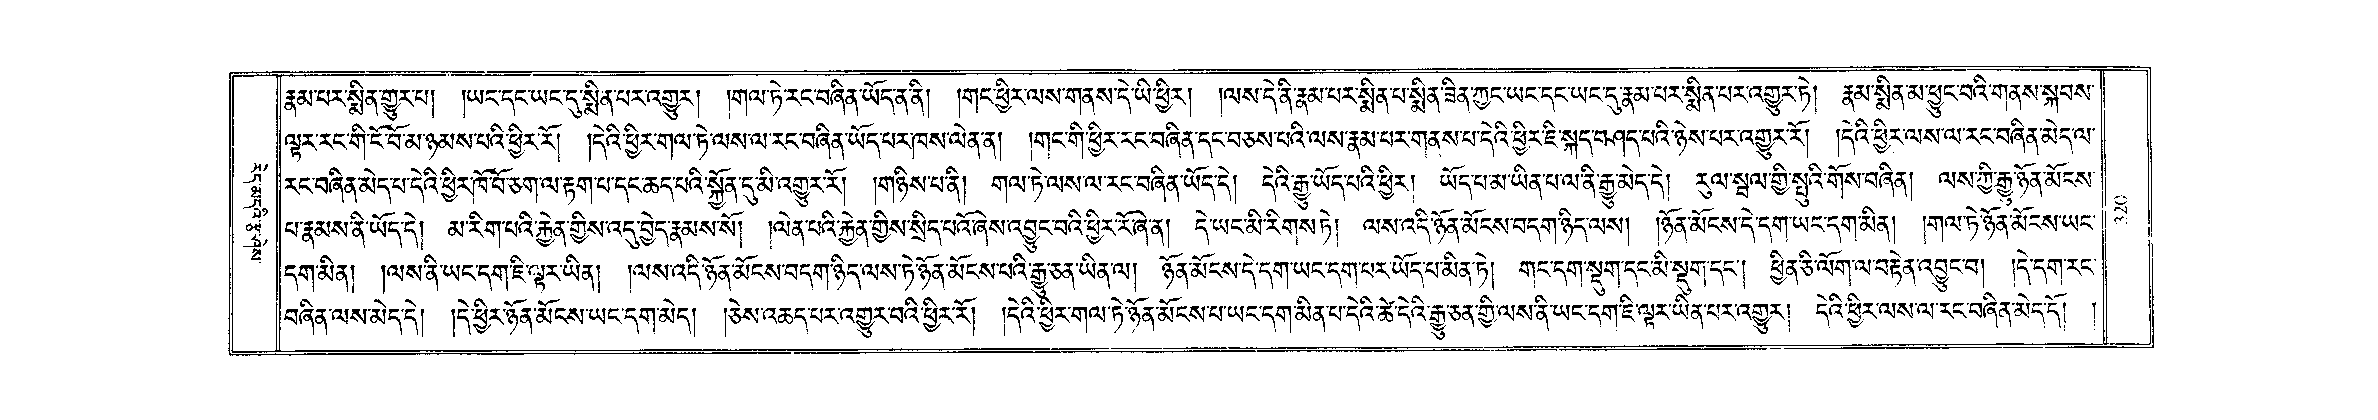རྣམ་པར་སྨིན་གྱུར་པ། །ཡང་དང་ཡང་དུ་སྨིན་པར་འགྱུར། །གལ་ཏེ་རང་བཞིན་ཡོད་ན་ནི། །གང་ཕྱིར་ལས་གནས་དེ་ཡི་ཕྱིར། །ལས་དེ་ནི་རྣམ་པར་སྨིན་པ་སྨིན་ཟིན་ཀྱང་ཡང་དང་ཡང་དུ་རྣམ་པར་སྨིན་པར་འགྱུར་ཏེ། རྣམ་སྨིན་མ་ཕྱུང་བའི་གནས་སྐབས་
ལྟར་རང་གི་ངོ་བོ་མ་ཉམས་པའི་ཕྱིར་རོ། །དེའི་ཕྱིར་གལ་ཏེ་ལས་ལ་རང་བཞིན་ཡོད་པར་ཁས་ལེན་ན། །གང་གི་ཕྱིར་རང་བཞིན་དང་བཅས་པའི་ལས་རྣམ་པར་གནས་པ་དེའི་ཕྱིར་ཇི་སྐད་བཤད་པའི་ཉེས་པར་འགྱུར་རོ། །དེའི་ཕྱིར་ལས་ལ་རང་བཞིན་མེད་ལ་
རང་བཞིན་མེད་པ་དེའི་ཕྱིར་ཁོ་བོ་ཅག་ལ་རྟག་པ་དང་ཆད་པའི་སྐྱོན་དུ་མི་འགྱུར་རོ། །གཉིས་པ་ནི། གལ་ཏེ་ལས་ལ་རང་བཞིན་ཡོད་དེ། དེའི་རྒྱུ་ཡོད་པའི་ཕྱིར། ཡོད་པ་མ་ཡིན་པ་ལ་ནི་རྒྱུ་མེད་དེ། རུལ་སྦལ་གྱི་སྤུའི་གོས་བཞིན། ལས་ཀྱི་རྒྱུ་ཉོན་མོངས་
པ་རྣམས་ནི་ཡོད་དེ། མ་རིག་པའི་རྐྱེན་གྱིས་འདུ་བྱེད་རྣམས་སོ། །ལེན་པའི་རྐྱེན་གྱིས་སྲིད་པའོ་ཞེས་འབྱུང་བའི་ཕྱིར་རོ་ཞེ་ན། དེ་ཡང་མི་རིགས་ཏེ། ལས་འདི་ཉོན་མོངས་བདག་ཉིད་ལས། །ཉོན་མོངས་དེ་དག་ཡང་དག་མིན། །གལ་ཏེ་ཉོན་མོངས་ཡང་
དག་མིན། །ལས་ནི་ཡང་དག་ཇི་ལྟར་ཡིན། །ལས་འདི་ཉོན་མོངས་བདག་ཉིད་ལས་ཏེ་ཉོན་མོངས་པའི་རྒྱུ་ཅན་ཡིན་ལ། ཉོན་མོངས་དེ་དག་ཡང་དག་པར་ཡོད་པ་མིན་ཏེ། གང་དག་སྡུག་དང་མི་སྡུག་དང་། ཕྱིན་ཅི་ལོག་ལ་བརྟེན་འབྱུང་བ། །དེ་དག་རང་
བཞིན་ལས་མེད་དེ། །དེ་ཕྱིར་ཉོན་མོངས་ཡང་དག་མེད། །ཅེས་འཆད་པར་འགྱུར་བའི་ཕྱིར་རོ། །དེའི་ཕྱིར་གལ་ཏེ་ཉོན་མོངས་པ་ཡང་དག་མིན་པ་དེའི་ཚེ་དེའི་རྒྱུ་ཅན་གྱི་ལས་ནི་ཡང་དག་ཇི་ལྟར་ཡིན་པར་འགྱུར། དེའི་ཕྱིར་ལས་ལ་རང་བཞིན་མེད་དོ། །